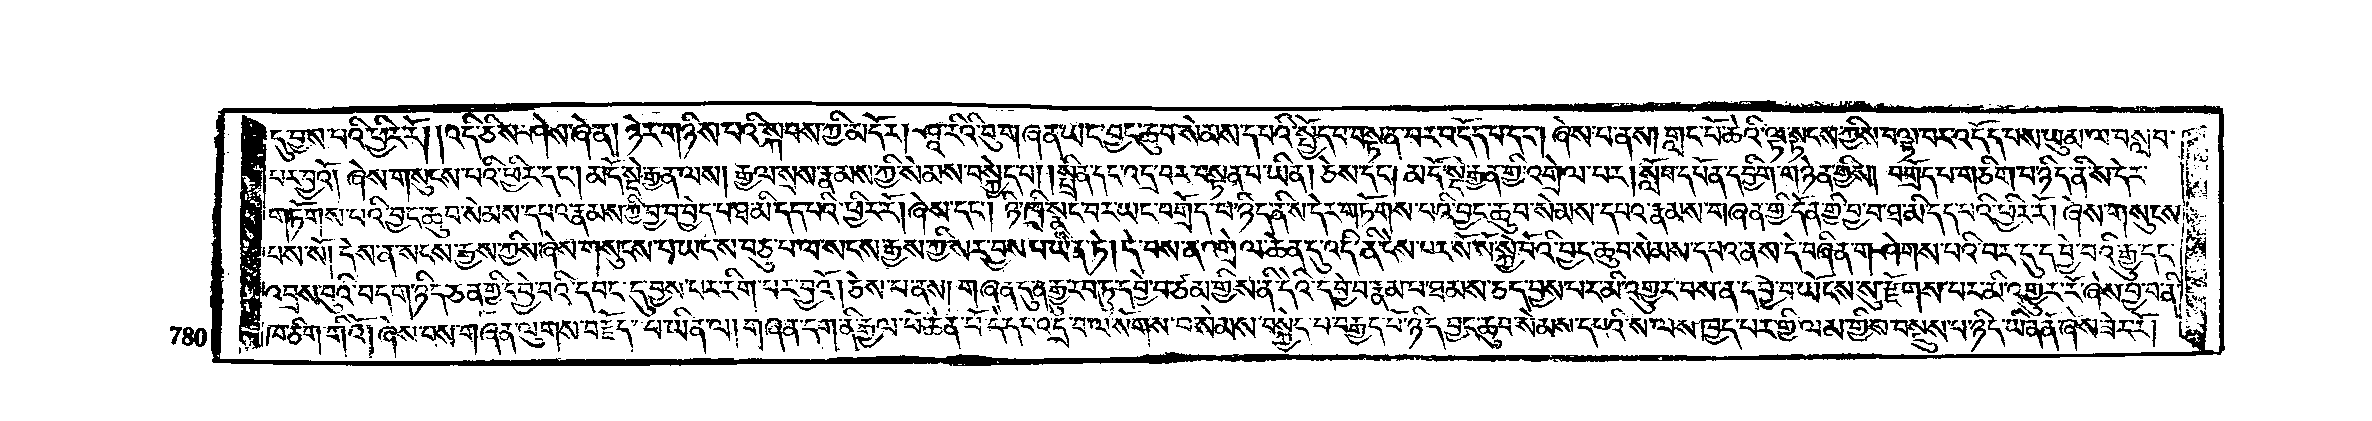དུ་བྱས་པའི་ཕྱིར་རོ། །འདི་ཅིས་ཤེས་ཞེ་ན། ཉེར་གཉིས་པའི་སྐབས་ཀྱི་མདོར། ཤཱ་རིའི་བུ་གཞན་ཡང་བྱང་ཆུབ་སེམས་དཔའི་སྤྱོད་པ་བསྟན་པར་འདོད་པ་དང་། ཞེས་པ་ནས། གླང་པོ་ཆེའི་ལྟ་སྟངས་ཀྱིས་བལྟ་བར་འདོད་པས་ཡུམ་ལ་བསླབ་
པར་བྱའོ། ཞེས་གུསངས་པའི་ཕྱིར་དང་། མདོ་སྡེ་རྒྱན་ལས། རྒྱལ་སྲས་རྣམས་ཀྱི་སེམས་བསྐྱེད་པ། །སྤྲིན་དང་འདྲ་བར་བསྟན་པ་ཡིན། ཅེས་དང་། མདོ་སྡེ་རྒྱན་གྱི་འགྲེལ་པར། སློབ་དཔོན་དབྱིག་གཉེན་གྱིས། བགྲོད་པ་གཅིག་པ་ཉིད་ནི་ས་དེར་
གཏོགས་པའི་བྱང་ཆུབ་སེམས་དཔའ་རྣམས་ཀྱི་བྱ་བ་བྱེད་པ་ཐ་མི་དད་པའི་ཕྱིར་རོ། ཞེས་དང་། ཉི་ཁྲི་སྣང་བར་ཡང་བགྲོད་པ་ཉིད་ནི་ས་དེར་གཏོགས་པའི་བྱང་ཆུབ་སེམས་དཔའ་རྣམས་གཞན་གྱི་དོན་གྱི་བྱ་བ་ཐ་མི་དད་པའི་ཕྱིར་རོ། ཞེས་གསུངས་
པས་སོ། དེས་ན་སངས་རྒྱས་ཀྱིས་ཞེས་གསུངས་པ་ཡང་ས་བཅུ་པ་ལ་སངས་རྒྱས་ཀྱི་སར་བྱས་པ་ཡིན་ཏེ། དེ་བས་ན་འགྲེལ་ཆེན་དུ་འདི་ནི་ངེས་པར་སོ་སོ་སྐྱེ་བོའི་བྱང་ཆུབ་སེམས་དཔའ་ནས་དེ་བཞིན་གཤེགས་པའི་བར་དུ་དབྱེ་བའི་རྒྱུ་དང་
འབྲས་བུའི་བདག་ཉིད་ཅན་གྱི་དབྱེ་བའི་དབང་དུ་བྱས་པར་རིག་པར་བྱའོ། ཅེས་པ་ནས། གཞན་དུ་ན་རྒྱུ་རབ་ཏུ་དབྱེ་བ་ཙམ་གྱིས་ནི་དེའི་དབྱེ་བ་རྣམ་པ་ཐམས་ཅད་བྱས་པར་མི་འགྱུར་བས་ན་དབྱེ་བ་ཡོངས་སུ་རྫོགས་པར་མི་འགྱུར་རོ་ཞེས་བྱ་བ་ནི་
ཁ་ཅིག་གིའོ། ཞེས་པས་གཞན་ལུགས་བརྗོད་པ་ཡིན་ལ། གཞན་དག་ནི་རྒྱལ་པོ་ཆེན་པོ་དེ་དང་འདྲ་བ་ལ་སོགས་པ་སེམས་བསྐྱེད་པ་བརྒྱད་པོ་ཉིད་བྱང་ཆུབ་སེམས་དཔའི་ས་ལས་ཁྱད་པར་གྱི་ལམ་གྱིས་བསྡུས་པ་ཉིད་ཡིན་ནོ་ཞེས་ཟེར་རོ་